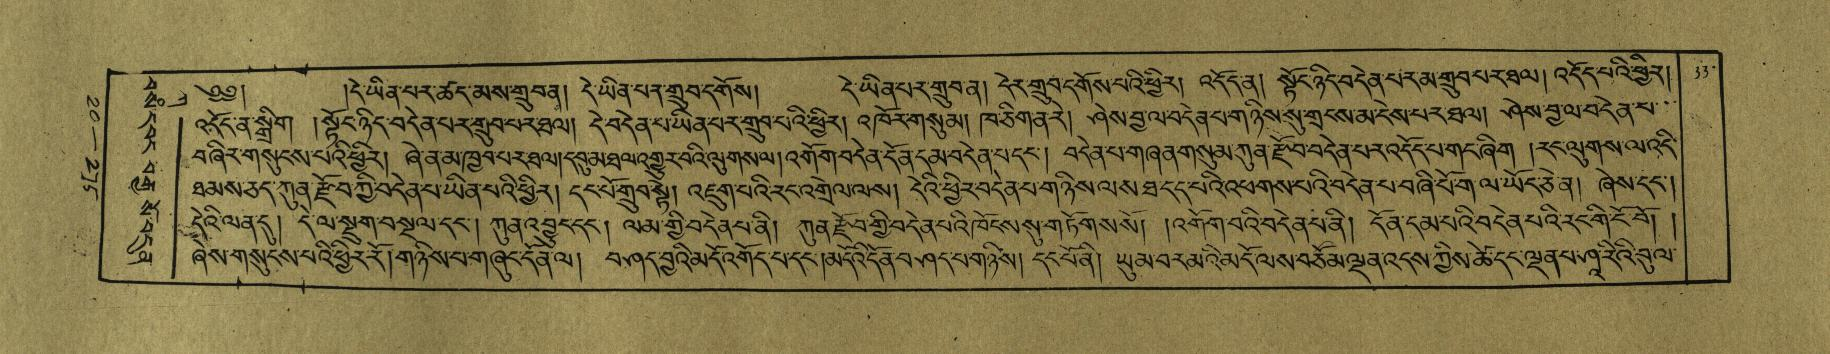༄༅། །དེ་ཡིན་པར་ཚད་མས་གྲུབ་ན། དེ་ཡིན་པར་གྲུབ་དགོས། དེ་ཡིན་པར་གྲུབ་ན། དེར་གྲུབ་དགོས་པའི་ཕྱིར། འདོད་ན། སྟོང་ཉིད་བདེན་པར་མ་གྲུབ་པར་ཐལ། འདོད་པའི་ཕྱིར།
འདོད་ན་སྒྲིག །སྟོང་ཉིད་བདེན་པར་གྲུབ་པར་ཐལ། དེ་བདེན་པ་ཡིན་པར་གྲུབ་པའི་ཕྱིར། འཁོར་གསུམ། ཁ་ཅིག་ན་རེ། ཤེས་བྱ་ལ་བདེན་པ་གཉིས་སུ་གྲངས་མ་ངེས་པར་ཐལ། ཤེས་བྱ་ལ་བདེན་པ་
བཞིར་གསུངས་པའི་ཕྱིར། ཞེ་ན་མ་ཁྱབ་པར་ཐལ། དབུ་མ་ཐལ་འགྱུར་བའི་ལུགས་ལ། འགོག་བདེན་དོན་དམ་བདེན་པ་དང་། བདེན་པ་གཞན་གསུམ་ཀུན་རྫོབ་བདེན་པར་འདོད་པ་གང་ཞིག །རང་ལུགས་ལ་འདི་
ཐམས་ཅད་ཀུན་རྫོབ་ཀྱི་བདེན་པ་ཡིན་པའི་ཕྱིར། དང་པོ་གྲུབ་སྟེ། འཇུག་པའི་རང་འགྲེལ་ལས། དེའི་ཕྱིར་བདེན་པ་གཉིས་ལས་ཐ་དད་པའི་འཕགས་པའི་བདེན་པ་བཞི་པོ་ག་ལ་ཡོད་ཅེ་ན། ཞེས་དང་།
དེའི་ལན་དུ། དེ་ལ་སྡུག་བསྔལ་དང་། ཀུན་འབྱུང་དང་། ལམ་གྱི་བདེན་པ་ནི། ཀུན་རྫོབ་གྱི་བདེན་པའི་ཁོངས་སུ་གཏོགས་སོ། །འགོག་བའི་བདེན་པ་ནི། དོན་དམ་པའི་བདེན་པའི་རང་གི་ངོ་བོ། །
ཞེས་གསུངས་པའི་ཕྱིར་རོ། །གཉིས་པ་གཞུང་དོན་ལ། བཤད་བྱའི་མདོ་འགོད་པ་དང་། མདོའི་དོན་བཤད་པ་གཉིས། དང་པོ་ནི། ཡུམ་བར་མའི་མདོ་ལས་བཅོམ་ལྡན་འདས་ཀྱིས་ཚེ་དང་ལྡན་པ་ཤཱ་རིའི་བུ་ལ་